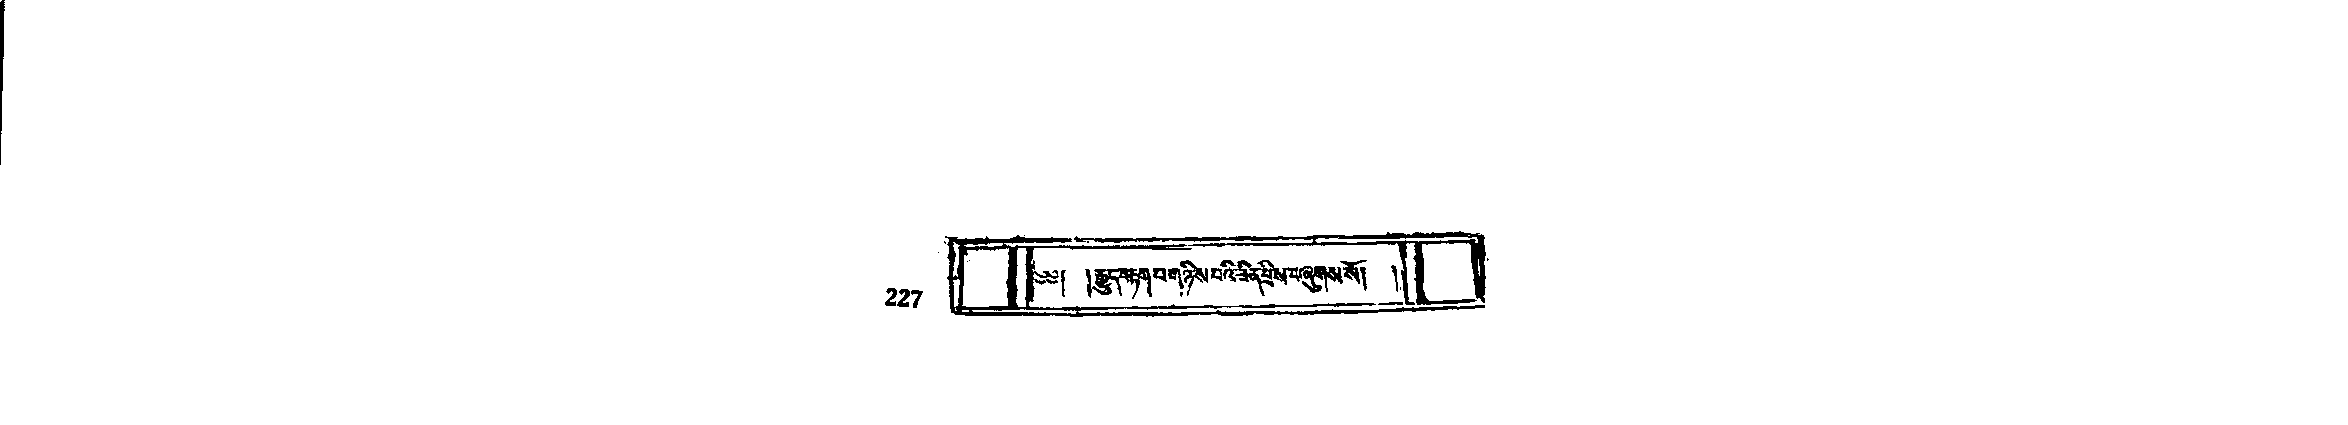༄༅། །རྒྱུད་བརྟག་པ་གཉིས་པའི་ཟིན་བྲིས་བཞུགས་སོ། །